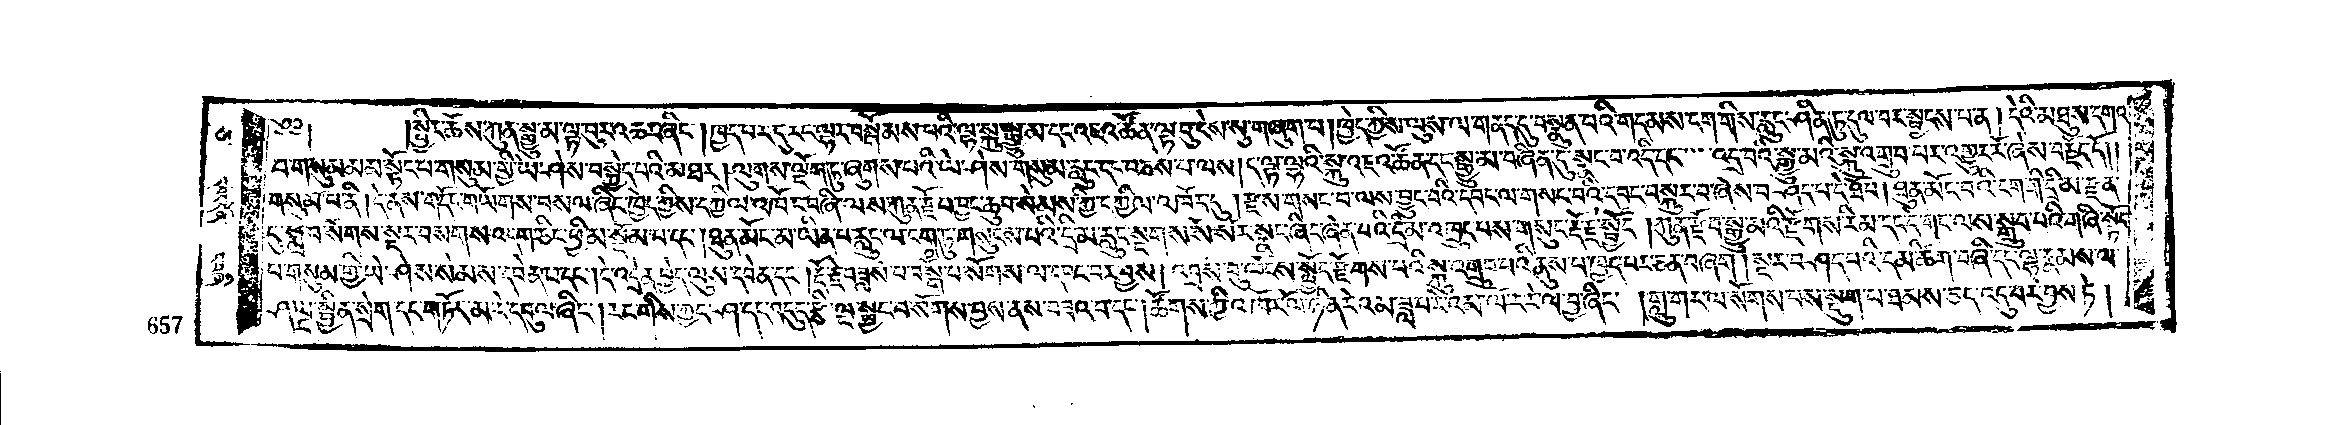༄༅། །སྤྱིར་ཆོས་ཀུན་སྒྱུ་མ་ལྟ་བུར་འཆར་ཞིང་། ཁྱད་པར་དུ་རང་ལྷར་བསྒོམས་པའི་ལྷ་སྐུ་སྒྱུ་མ་དང་འཇའ་ཚོན་ལྟ་བུ་ངེས་སུ་གཞུག་པ། ཁྱེད་ཀྱིས་ལུས་ལ་གནད་དུ་བསྣུན་པའི་གདམས་ངག་གིས་རླུང་ཤིན་ཏུ་དུལ་བར་སྦྱངས་པ་ན། དེའི་མཐུས་དགའ་
བ་གསུམ་མམ་སྟོང་པ་གསུམ་གྱི་ཡེ་ཤེས་བསྐྱེད་པའི་མཐར། ལུགས་ལྡོག་ཏུ་ཞུགས་པའི་ཡེ་ཤེས་གསུམ་རླུང་དང་བཅས་པ་ལས། ད་ལྟ་ལྷའི་སྐུ་འཇའ་ཚོན་དང་སྒྱུ་མ་བཞིན་དུ་སྣང་བ་འདི་དང་འདྲ་བའི་སྒྱུ་མའི་སྐུ་འགྲུབ་པར་འགྱུར་རོ་ཞེས་བརྗོད་དོ། །
གསུམ་པ་ནི། དེ་ནས་གདོང་གཡོགས་བསལ་ཞིང་ཁྱོད་ཀྱིས་དཀྱིལ་འཁོར་བཞི་ལས་ཀུན་རྫོབ་བྱང་ཆུབ་སེམས་ཀྱི་དཀྱིལ་འཁོར་དུ། རྫས་གསང་བ་ལས་བྱུང་བའི་དབང་ལ་གསང་བའི་དབང་བསྐུར་བ་ཞེས་བཤད་པ་དེ་ཐོབ། ཐུན་མོང་བའི་ངག་གི་དྲི་མ་རྫུན་
དུ་སྨྲ་བ་སོགས་སྔར་བསགས་འདག་ཅིང་ཕྱི་མ་སྡོམ་པ་དང་། ཐུན་མོང་མ་ཡིན་པ་རླུང་ལ་ངག་ཏུ་གསུངས་པའི་དྲི་མ་རླུང་སྔགས་སོ་སོར་སྣང་ཞིང་ཞེན་པའི་དྲི་མ་འཁྲུད་པས་གསུང་རྡོ་རྗེ་སྦྱོང་། ཀུན་རྫོབ་སྒྱུ་མའི་རྫོགས་རིམ་དང་དེ་གང་ལས་སྒྲུབ་པའི་གཞི་སྟོང་
པ་གསུམ་གྱི་ཡེ་ཤེས་སེམས་དབེན་དང་། དེ་འདྲེན་བྱེད་ལུས་དབེན་དང་། རྡོ་རྗེ་བཟླས་པ་བསྒོམ་པ་སོགས་ལ་དབང་བར་བྱས། འབྲས་བུ་ལོངས་སྤྱོད་རྫོགས་པའི་སྐུ་འགྲུབ་པའི་ནུས་པ་ཁྱད་པར་ཅན་བཞག །སྔར་བཤད་པའི་དམ་ཚིག་བཞི་དང་ལྷ་རྣམས་ལ་
ཤ་ལྔ་སྦྱིན་སྲེག་དང་གཏོར་མ་རེ་དབུལ་ཞིང་།རང་གིས་ཀྱང་ཤ་དང་བདུད་རྩི་ལྔ་སྦྱང་བ་སོགས་བྱས་ནས་བཟའ་བ་དང་། ཚོགས་ཀྱི་འཁོར་ལོ་ཉིན་རེའམ་ཟླ་བ་རེ་འམ་ལོ་རེ་རེ་ལ་བྱ་ཞིང་། གླུ་གར་ལ་སོགས་པས་སྡུག་པ་ཐམས་ཅད་འདུ་བར་བྱས་ཏེ།